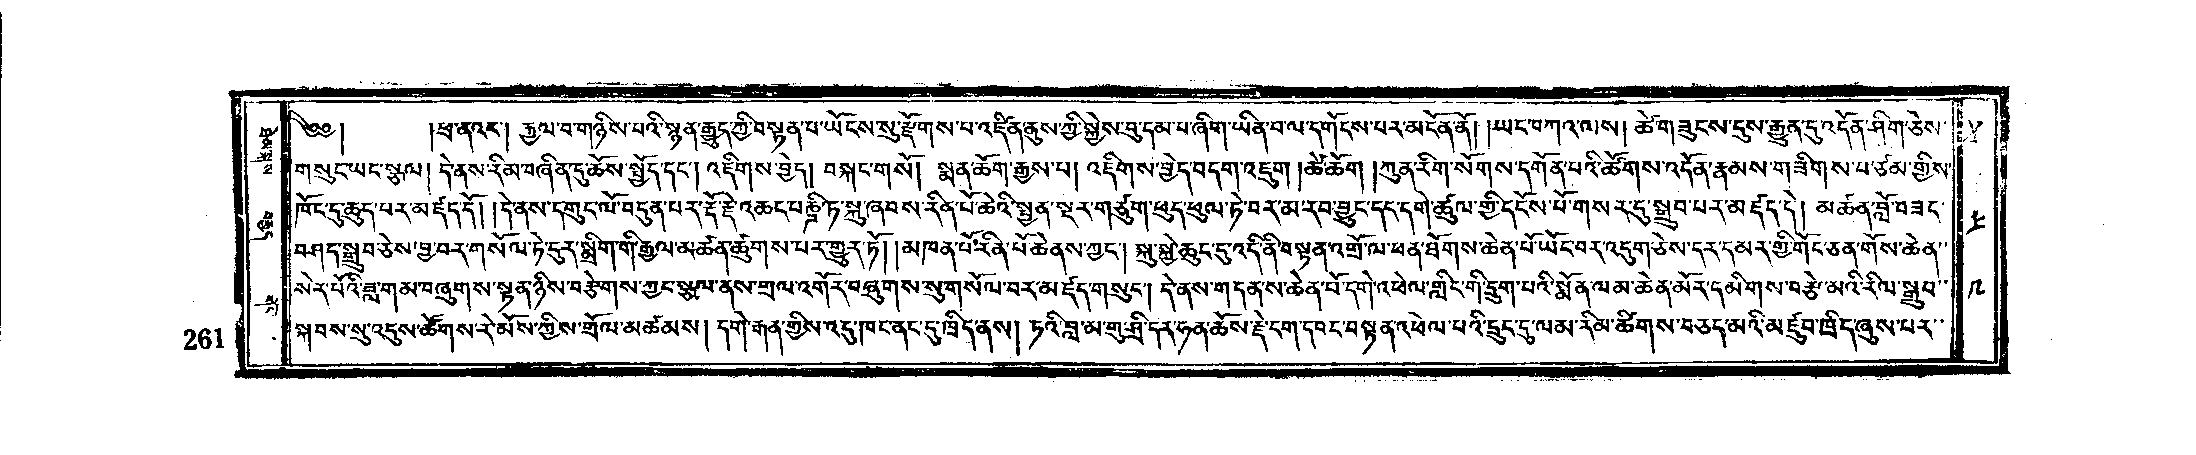༄༅། །ཕྲ་ནའང་། རྒྱལ་བ་གཉིས་པའི་སྙན་རྒྱུད་ཀྱི་བསྟན་པ་ཡོངས་སུ་རྫོགས་པ་འཛིན་ནུས་ཀྱི་སྐྱེས་བུ་དམ་པ་ཞིག་ཡིན་པ་ལ་དགོངས་པར་མངོན་ནོ། །ཡང་བཀའ་ལས། ཚེ་གཟུངས་དུས་རྒྱུན་དུ་འདོན་ཤིག་ཅེས་
གསུང་ཡང་སྩལ། དེ་ནས་རིམ་བཞིན་དུ་ཆོས་སྤྱོད་དང་། འཇིགས་བྱེད། བསྐང་གསོ། སྨན་ཆོག་རྒྱས་པ། འཇིགས་བྱེད་བདག་འཇུག །ཚེ་ཆོག །ཀུན་རིག་སོགས་དགོན་པའི་ཚོགས་འདོན་རྣམས་གཟིགས་པ་ཙམ་གྱིས་
ཁོང་དུ་ཆུད་པར་མཛད་དོ། །དེ་ནས་དགུང་ལོ་བདུན་པར་རྡོ་རྗེ་འཆང་པཎྜི་ཏ་སྐུ་ཞབས་རིན་པོ་ཆེའི་སྤྱན་སྔར་གཙུག་ཕུད་ཕུལ་ཏེ་བར་མ་རབ་བྱུང་དང་དགེ་ཚུལ་གྱི་དངོས་པོ་གསར་དུ་སྒྲུབ་པར་མཛད་དེ། མཚན་བློ་བཟང་
བཤད་སྒྲུབ་ཅེས་བྱ་བར་གསོལ་ཏེ་དུར་སྨྲིག་གི་རྒྱལ་མཚན་ཚུགས་པར་གྱུར་ཏོ། །མཁན་པོ་རིན་པོ་ཆེ་ནས་ཀྱང་། སྐུ་སྐྱེ་ཆུང་དུ་འདི་ནི་བསྟན་འགྲོ་ལ་ཕན་ཐོགས་ཆེན་པོ་ཡོང་བར་འདུག་ཅེས་དར་དམར་གྱི་གོང་ཅན་གོས་ཆེན་
སེར་པོའི་ཟླ་གམ་བཞུགས་སྟན་ཉིས་བརྩེགས་ཀྱང་སྩལ་ནས་གྲལ་འགོར་བཞུགས་སུ་གསོལ་བར་མཛད་གསུང་། དེ་ནས་གདན་ས་ཆེན་པོ་དགེ་འཕེལ་གླིང་གི་དྲུག་པའི་སྨོན་ལམ་ཆེན་མོར་དམིགས་བརྩེ་མའི་རིལ་སྒྲུབ་
སྐབས་སུ་འདུས་ཚོགས་རེ་མོས་ཀྱིས་གྲོལ་མཚམས། དགེ་རྒན་གྱིས་འདུ་ཁང་ནང་དུ་ཁྲིད་ནས། ཏའི་བླ་མ་གུ་ཤྲི་དར་ཧན་ཆོས་རྗེ་ངག་དབང་བསྟན་འཕེལ་པའི་དྲུང་དུ་ལམ་རིམ་ཚིགས་བཅད་མའི་མཛུབ་ཁྲིད་ཞུས་པར་